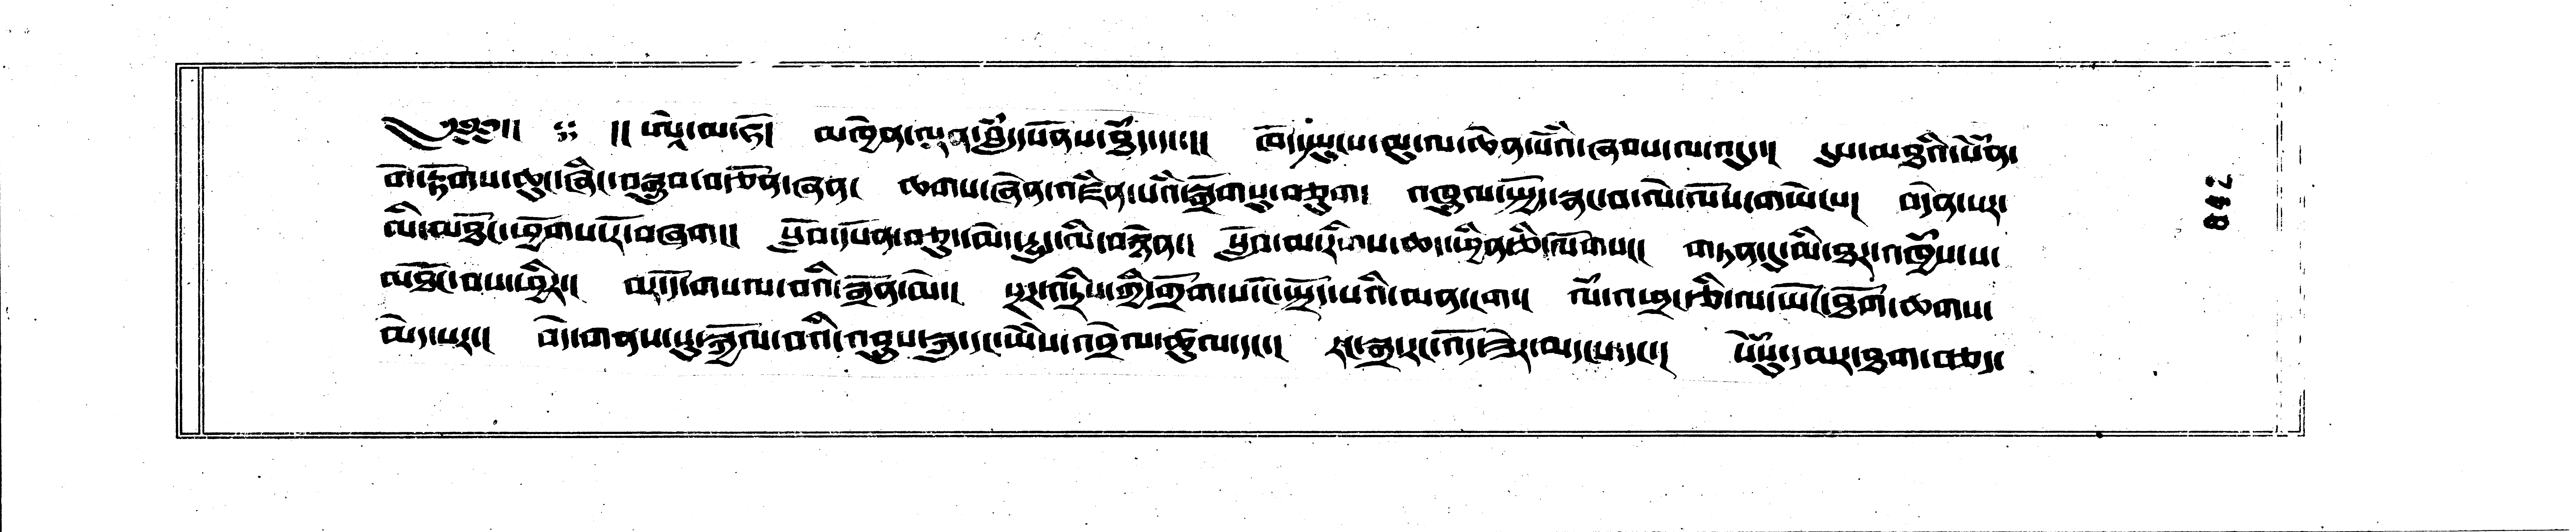ཨེ་མ་ཧོ། མཁྱེན་ལྡན་བླ་མ་དཔོན་གསས་ཐམས་ཅད་དང་། །ཁོད་སྤུངས་མུ་ལ་ཆེན་པོའི་ཞབས་ལ་འདུད། །དུས་མཐའི་སེམས་ཅན་
གོ་རྟོགས་ཆུང་ཞིང་སྒྲུབ་བརྩོན་ཞན། ཆགས་ཞེན་འཛིན་པའི་སྒྲོགས་སུ་བཅུག །འཁྲུལ་སྤྱོད་སྣང་བ་ལེ་ལོས་གཡེངས། །བདེན་པར་
མི་མཐོང་ཕྱོགས་རེ་བཞག །སློབ་དཔོན་བཅུད་མེད་རྒྱུད་མི་བསྙེན། །སློབ་མ་རིགས་ཆད་ཕྱིན་ཅི་ལོག །གཏན་དུ་མི་ཐར་འཁྱམས་པ་
མཐོང་བའི་ཕྱིར། །བར་དོ་གསལ་བའི་སྒྲོན་མེ། སྔར་འདྲིས་ཀྱི་གྲོགས་པོ་ངོ་སྤྲོད་པའི་མན་ངག ལམ་འཕྲང་ཅི་ལ་ཡང་ཐོག་ཆགས་
མེད་པར། བདེ་གནས་སུ་བསྐྱལ་བའི་འབྲས་བུ་སྐུ་དང་ཡེ་ཤེས་འབྲེལ་ཚུལ་དང་། རང་སྒྲ་རང་འོད་ཟེར་མདངས་དང་། སེམས་སུ་དམར་ཐག་བཅད་